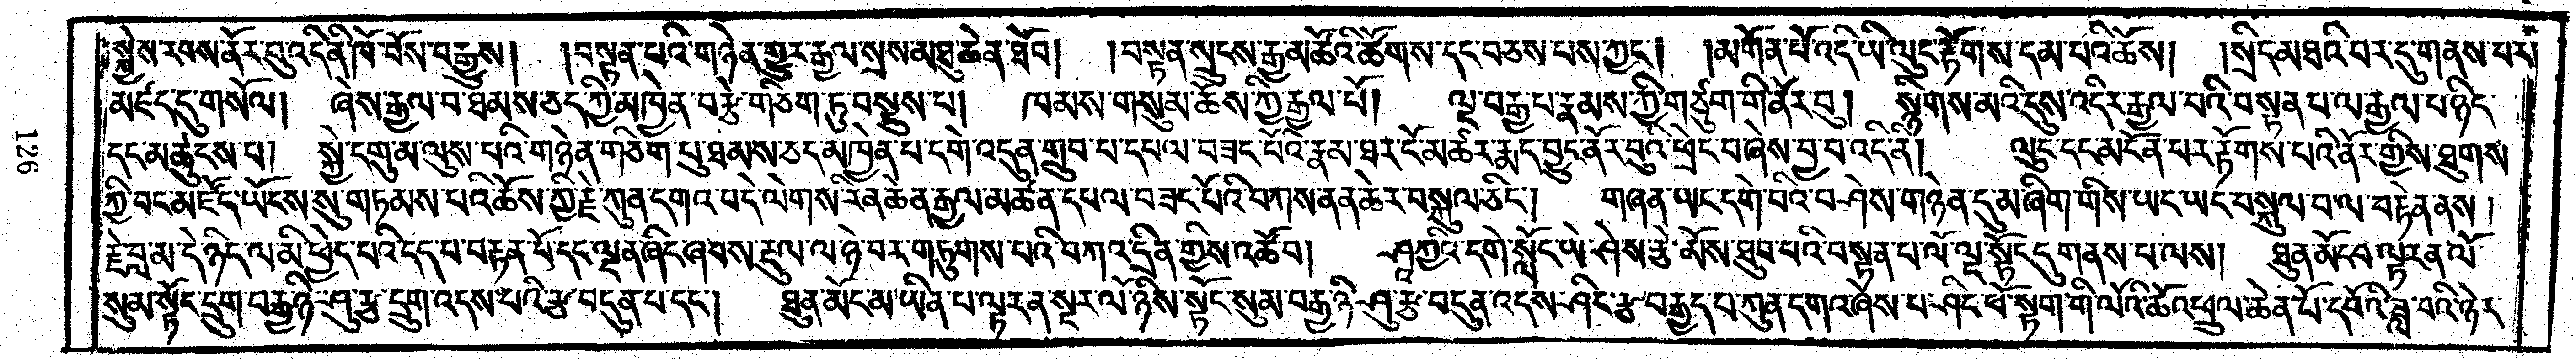སྐྱེས་རབས་ནོར་བུ་འདི་ནི་ཁོ་བོས་བརྒྱུས། །བསྟན་པའི་གཉེན་གྱུར་རྒྱལ་སྲས་མཐུ་ཆེན་ཐོབ། །བསྟན་སྲུངས་རྒྱ་མཚོའི་ཚོགས་དང་བཅས་པས་ཀྱང་། །མགོན་པོ་འདི་ཡི་ལུང་རྟོགས་དམ་པའི་ཆོས། །སྲིད་མཐའི་བར་དུ་གནས་པར་
མཛད་དུ་གསོལ། ཞེས་རྒྱལ་བ་ཐམས་ཅད་ཀྱི་མཁྱེན་བརྩེ་གཅིག་ཏུ་བསྡུས་པ། ཁམས་གསུམ་ཆོས་ཀྱི་རྒྱལ་པོ། ལྔ་བརྒྱ་པ་རྣམས་ཀྱི་གཙུག་གི་ནོར་བུ། སྙིགས་མའི་དུས་འདིར་རྒྱལ་བའི་བསྟན་པ་ལ་རྒྱལ་བ་ཉིད་
དང་མཚུངས་པ། སྐྱེ་དགུ་མ་ལུས་པའི་གཉེན་གཅིག་པུ་ཐམས་ཅད་མཁྱེན་པ་དགེ་འདུན་གྲུབ་པ་དཔལ་བཟང་པོའི་རྣམ་ཐར་ངོ་མཚར་རྨད་བྱུང་ནོར་བུའི་ཕྲེང་བ་ཞེས་བྱ་བ་འདི་ནི། ལུང་དང་མངོན་པར་རྟོགས་པའི་ནོར་གྱིས་ཐུགས་
ཀྱི་བང་མཛོད་ཡོངས་སུ་གཏམས་པའི་ཆོས་ཀྱི་རྗེ་ཀུན་དགའ་བདེ་ལེགས་རིན་ཆེན་རྒྱལ་མཚན་དཔལ་བཟང་པོའི་བཀས་ནན་ཆེར་བསྐུལ་ཅིང་། གཞན་ཡང་དགེ་བའི་བཤེས་གཉེན་དུ་མ་ཞིག་གིས་ཡང་ཡང་བསྐུལ་བ་ལ་བརྟེན་ནས།
རྗེ་བླ་མ་དེ་ཉིད་ལ་མི་ཕྱེད་པའི་དད་པ་བརྟན་པོ་དང་ལྡན་ཞིང་ཞབས་རྡུལ་ལ་ཉེ་བར་གཏུགས་པའི་བཀའ་དྲིན་གྱིས་འཚོབ། ཤཱཀྱའི་དགེ་སློང་ཡེ་ཤེས་རྩེ་མོས་ཐུབ་པའི་བསྟན་པ་ལོ་ལྔ་སྟོང་དུ་གནས་པ་ལས། ཐུན་མོང་བལྟར་ན་ལོ་
སུམ་སྟོང་དྲུག་བརྒྱ་ཉི་ཤུ་རྩ་དྲུག་འདས་པའི་རྩ་བདུན་པ་དང་། ཐུན་མོང་མ་ཡིན་པ་ལྟར་ན་སྔར་ལོ་ཉིས་སྟོང་སུམ་བརྒྱ་ཉི་ཤུ་རྩ་བདུན་འདས་ཤིང་རྩ་བརྒྱད་བ་ཀུན་དགའ་ཞེས་པ་ཤིང་ཕོ་སྟག་གི་ལོའི་ཆོ་འཕྲུལ་ཆེན་པོ་དབོའི་ཟླ་བའི་ཉེར་